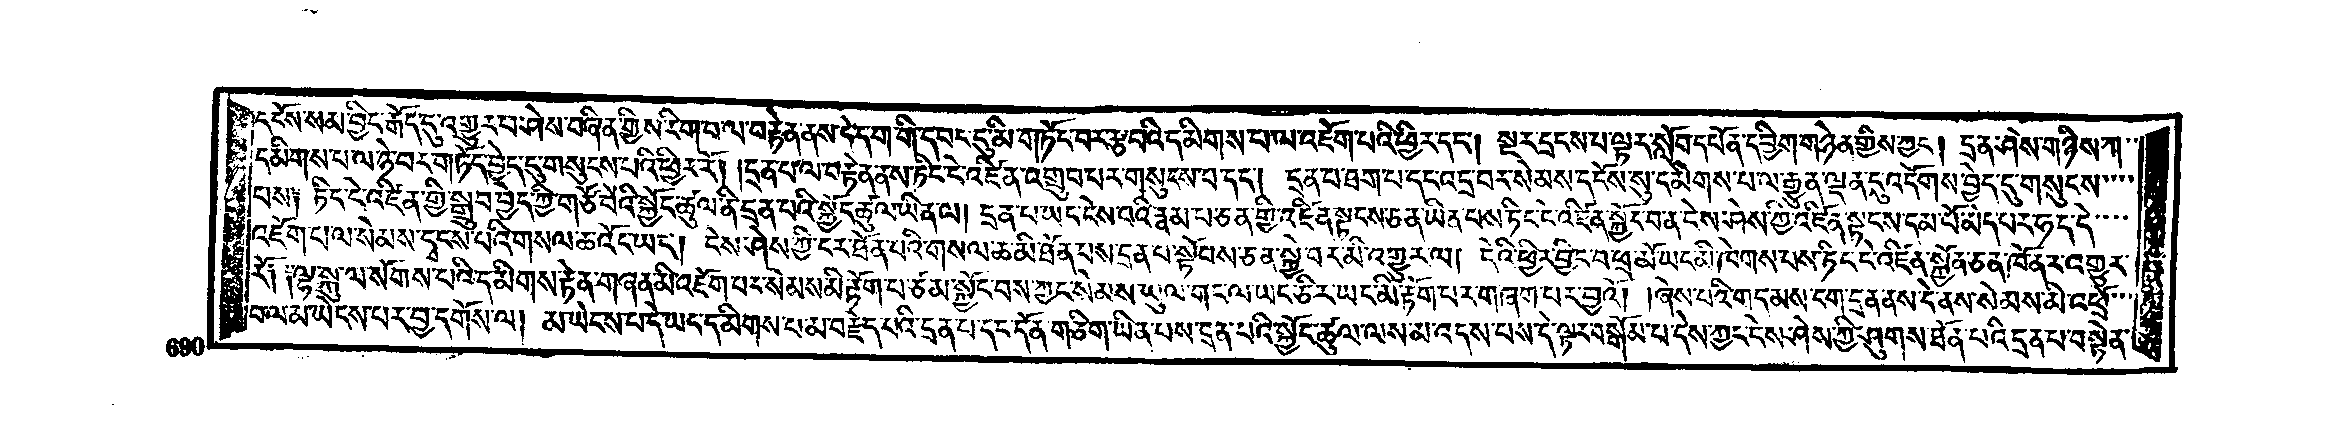དངོས་སམ་བྱིང་རྒོད་དུ་འགྱུར་བ་ཤེས་བཞིན་གྱིས་རིག་པ་ལ་བརྟེན་ནས་དེ་དག་གི་དབང་དུ་མི་གཏོང་བར་རྩ་བའི་དམིགས་པ་ལ་འཇོག་པའི་ཕྱིར་དང་། སྔར་དྲངས་པ་ལྟར་སློབ་དཔོན་དབྱིག་གཉེན་གྱིས་ཀྱང་། དྲན་ཤེས་གཉིས་ཀ་
དམིགས་པ་ལ་ཉེ་བར་གཏོད་བྱེད་དུ་གསུངས་པའི་ཕྱིར་རོ། །དྲན་པ་ལ་བརྟེན་ནས་ཏིང་ངེ་འཛིན་འགྲུབ་པར་གསུངས་པ་དང་། དྲན་པ་ཐག་པ་དང་འདྲ་བར་སེམས་དངོས་སུ་དམིགས་པ་ལ་རྒྱུན་ལྡན་དུ་འདོགས་བྱེད་དུ་གསུངས་
པས༑ ཏིང་ངེ་འཛིན་གྱི་སྒྲུབ་བྱེད་ཀྱི་གཙོ་བོའི་སྐྱོང་ཚུལ་ནི་དྲན་པའི་སྐྱོང་ཚུལ་ཡིན་ལ། དྲན་པ་ཡང་ངེས་པའི་རྣམ་པ་ཅན་གྱི་འཛིན་སྟངས་ཅན་ཡིན་པས་ཏིང་ངེ་འཛིན་སྐྱོང་བ་ན་ངེས་ཤེས་ཀྱི་འཛིན་སྟངས་དམ་པོ་མེད་པར་ཧད་དེ་
འཇོག་པ་ལ་སེམས་དྭངས་པའི་གསལ་ཆ་འོང་ཡང་། ངེས་ཤེས་ཀྱི་ངར་ཐོན་པའི་གསལ་ཆ་མི་ཐོན་པས་དྲན་པ་སྟོབས་ཅན་སྐྱེ་བར་མི་འགྱུར་ལ། དེའི་ཕྱིར་བྱིང་བ་ཕྲ་མོ་ཡང་མི་ཁེགས་པས་ཏིང་ངེ་འཛིན་སྐྱོན་ཅན་ཁོ་ནར་འགྱུར་
རོ༑ ༑ལྷ་སྐུ་ལ་སོགས་པའི་དམིགས་རྟེན་གཞན་མི་འཇོག་པར་སེམས་མི་རྟོག་པ་ཙམ་སྐྱོང་བས་ཀྱང་སེམས་ཡུལ་གང་ལ་ཡང་ཅིར་ཡང་མི་རྟོག་པར་གཞག་པར་བྱའོ། །ཞེས་པའི་གདམས་ངག་དྲན་ནས་དེ་ནས་སེམས་མི་འཕྲོ་
བ་ལ་མ་ཡེངས་པར་བྱ་དགོས་ལ། མ་ཡེངས་པ་དེ་ཡང་དམིགས་པ་ལ་བརྗེད་པའི་དྲན་པ་དང་དོན་གཅིག་ཡིན་པས་དྲན་པའི་སྐྱོང་ཚུལ་ལས་མ་འདས་པས་དེ་ལྟར་བསྒོམ་པ་དེས་ཀྱང་ངེས་ཤེས་ཀྱི་ཤུགས་ཐོན་པའི་དྲན་པ་བསྟེན་